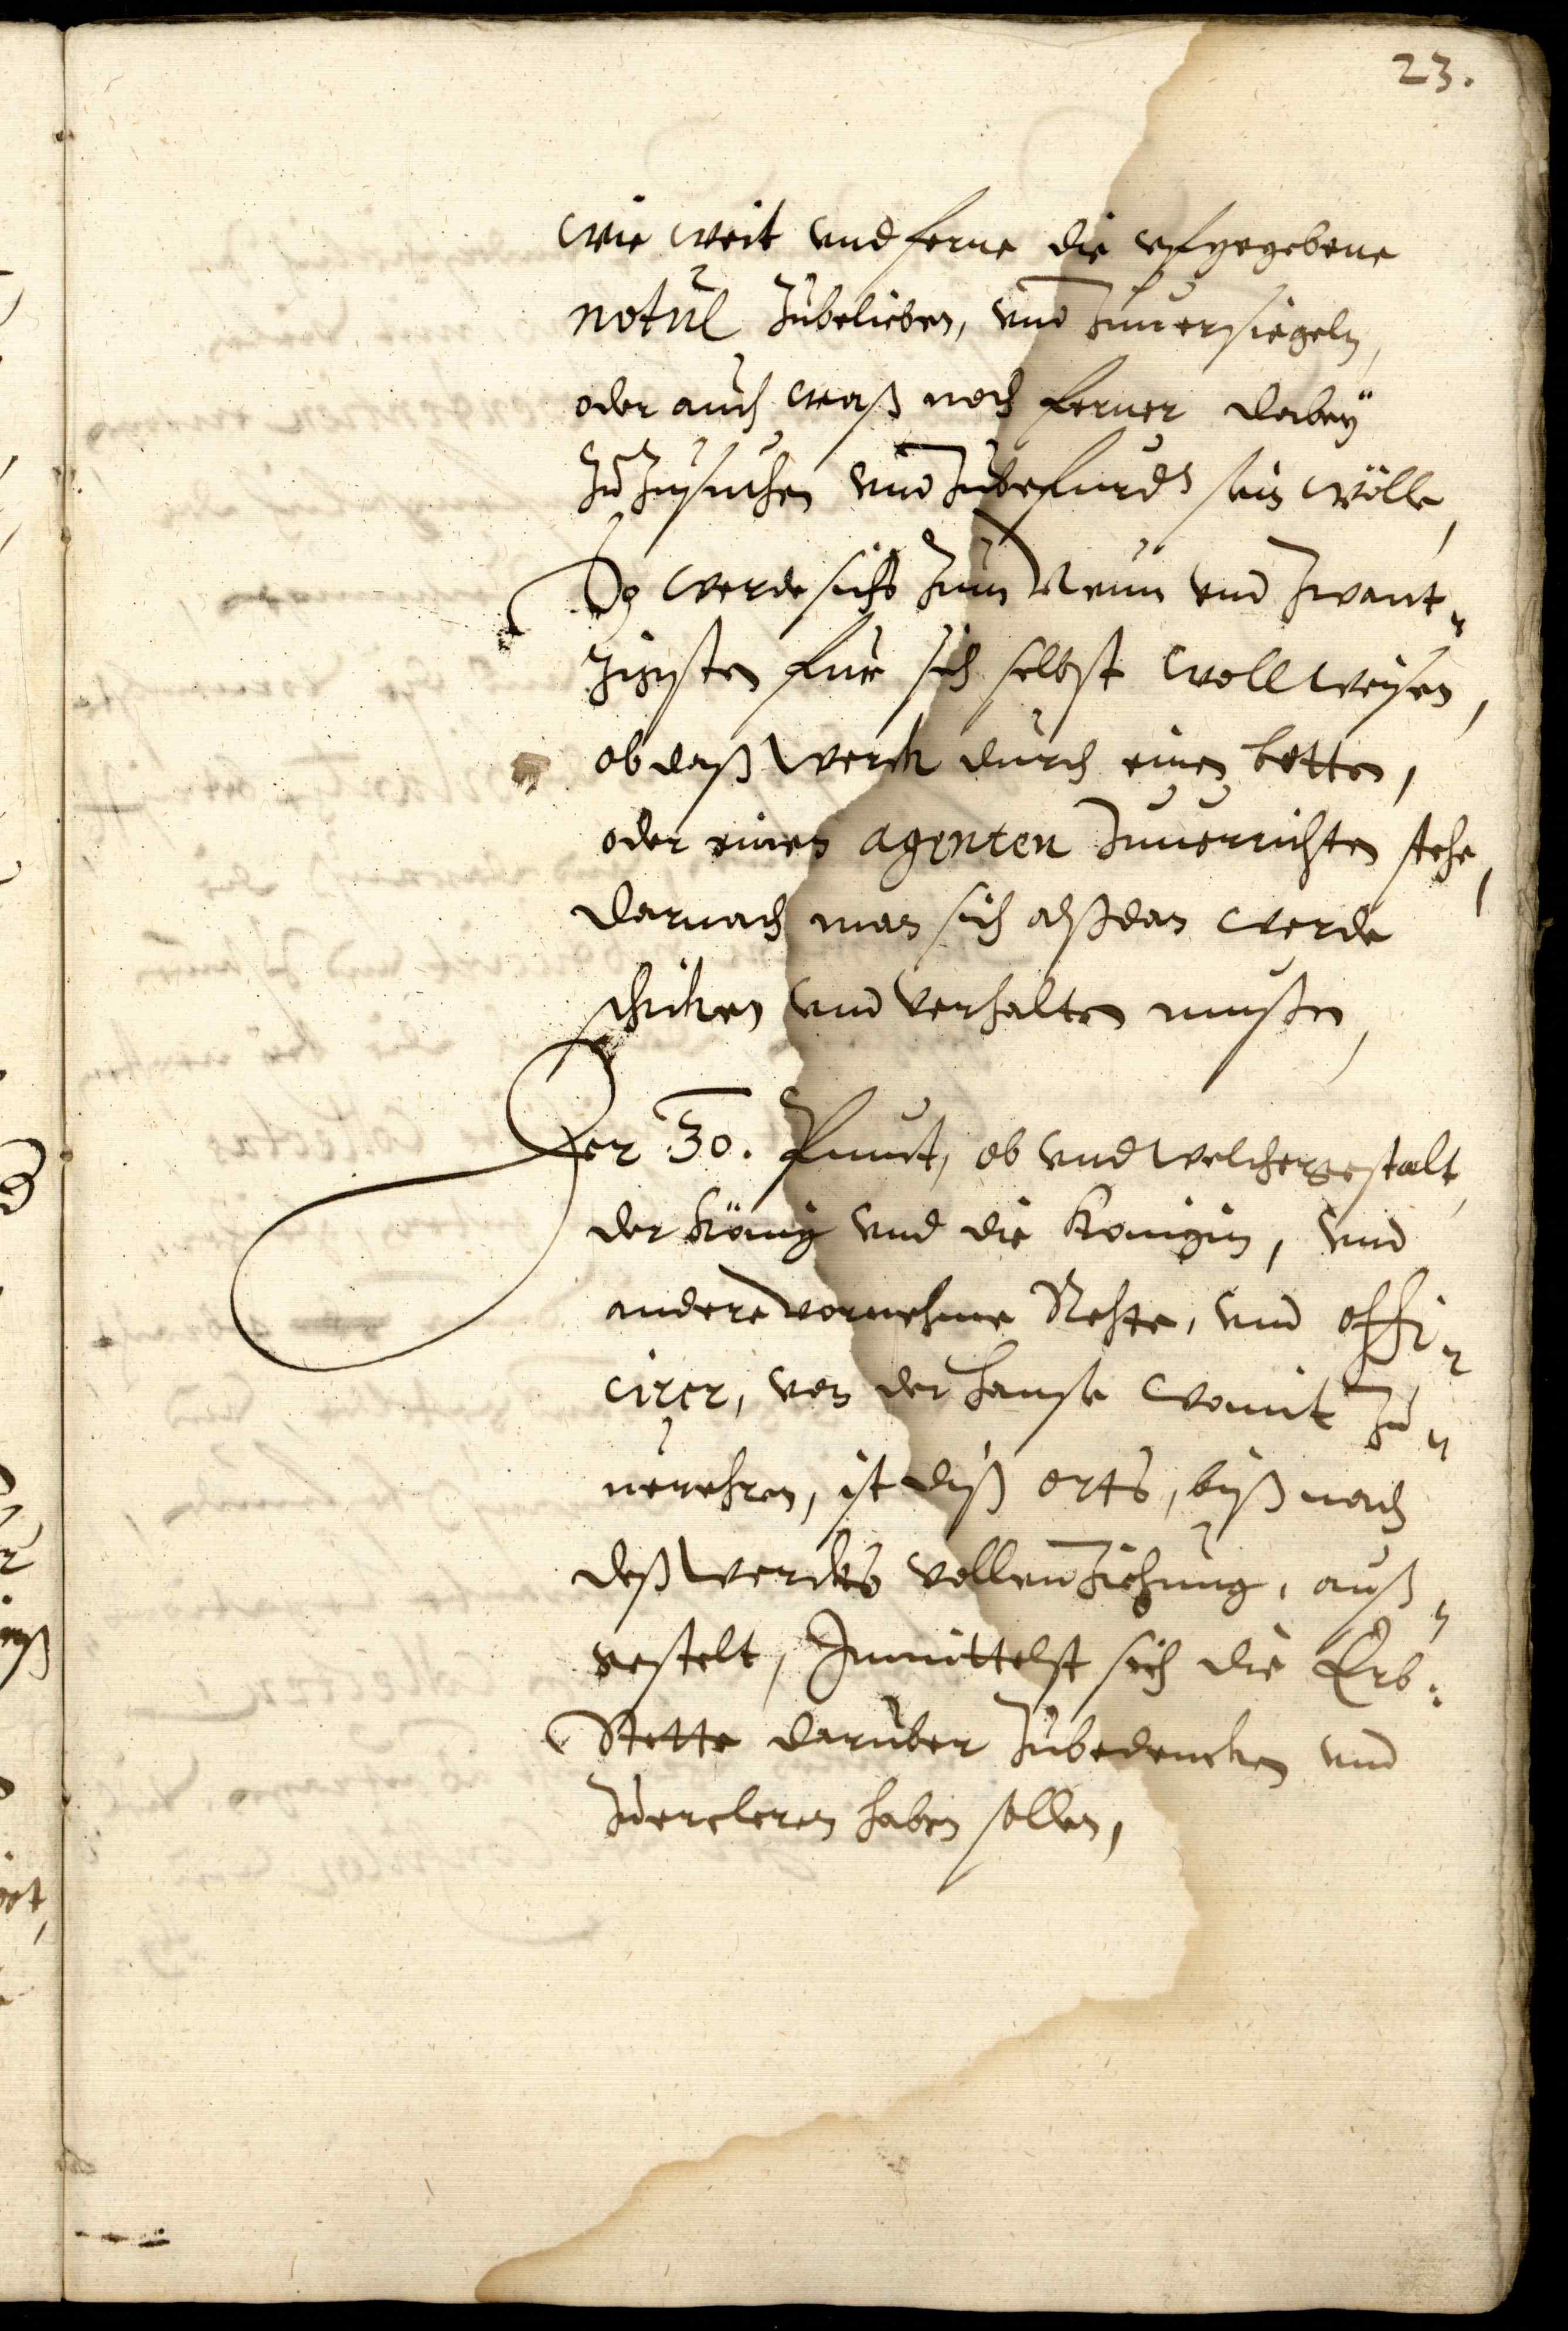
23.
wie weit vnd ferne die vfgegebene
notul zubelieben, vnd zuuersiegeln,
aber auch waß noch ferner dabeij
zuzusuchen vnd zubefunden sein wölle,
So werde sichs zum Neun vnd zwant¬
zigsten fur sich selbst wollweisen,
ob daß werck durch einen botten,
oder einen agenten zuuerrichten stehe,
darnach man sich alßdan werde
schicken vnd verhalten mußen,
Den 30. Punct, ob vnd welchergestalt
der König vnd die Konigin, vnd
andere vornehme Rehte, vnd offi¬
ciere, von der hanse womit zu¬
uerehren, ist diß orts, biß nach
deß wercks vollen ziehung, auß¬
gestelt, Inmittelst sich die Erb:
Stette daruber zubedencken vnd
zuercleren haben sollen,
